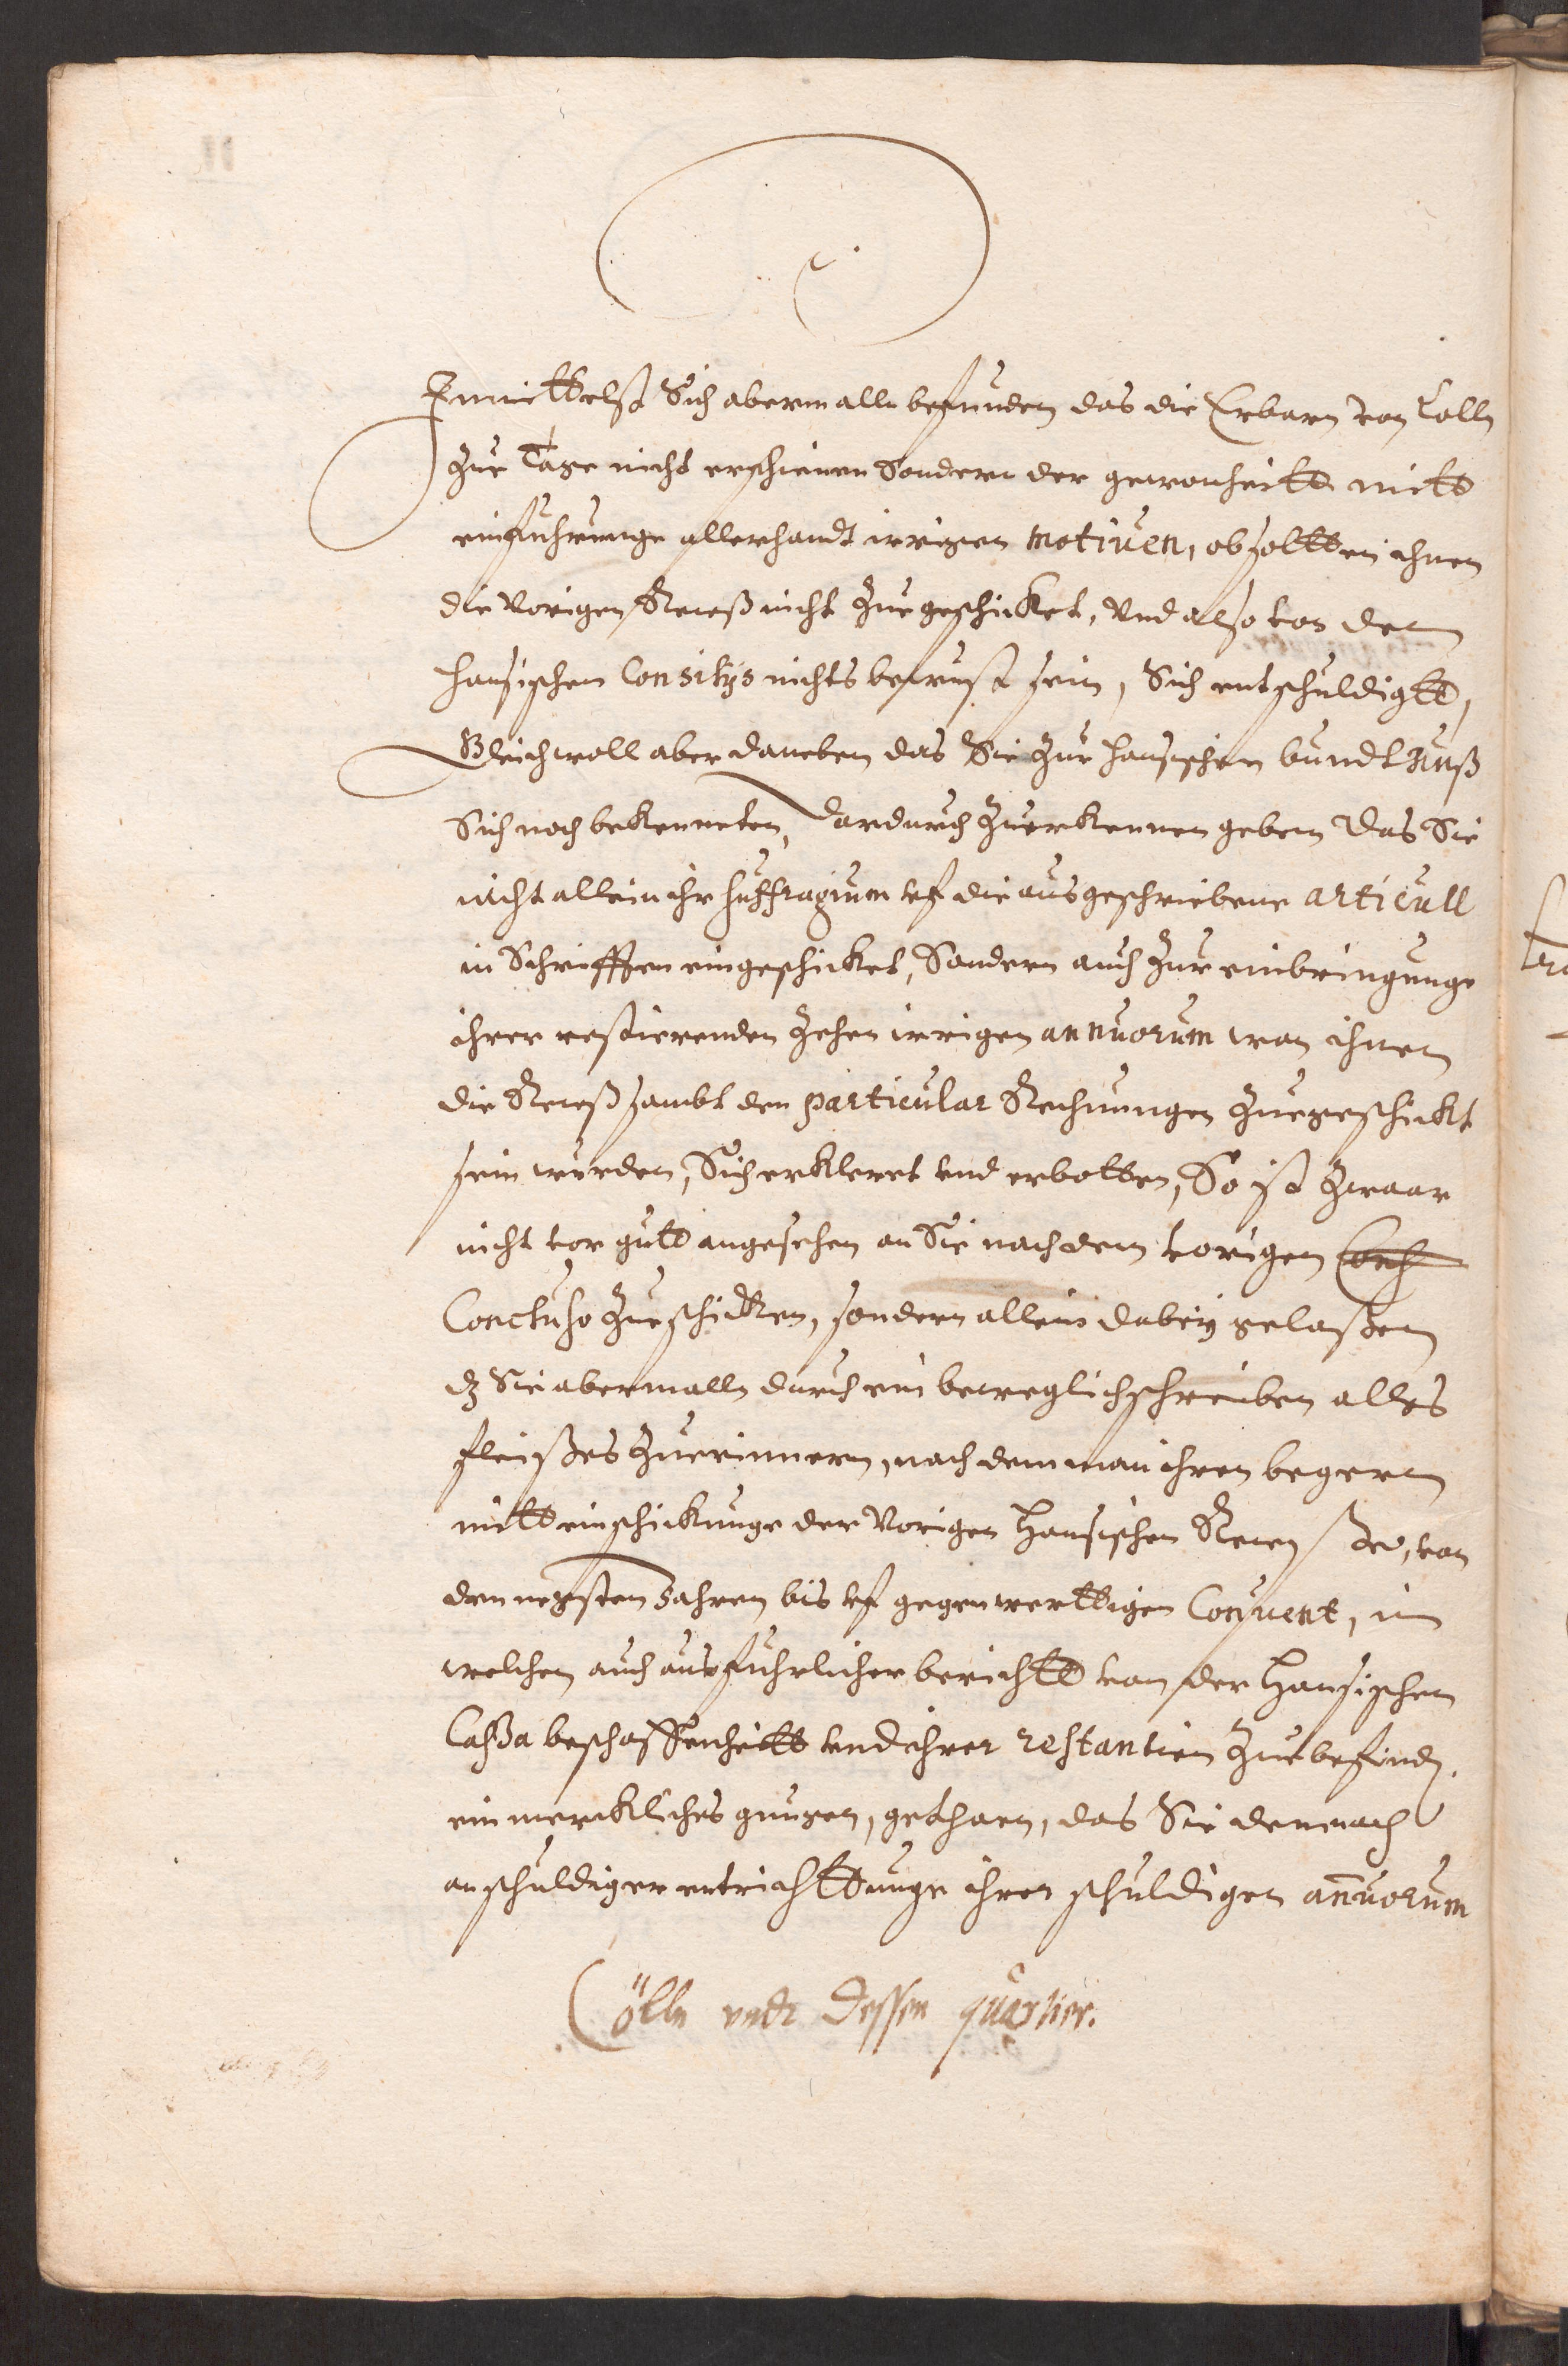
Jnmittelst Sich abermalln befunden das die Erbarn von Colln
zue Tage nicht erschienen Sondern der gewonheitt mitt
einfuhrunge allerhandt irrigen motiuen, ob soltten ihnen
die vorigen Receß nicht zue geschicket, vnd also von den
hansischen Consilijs nichts bewust sein, Sich entschuldigtt,
Gleichwoll aber daneben das Sie zue hansischen bundtnuß
Sich noch bekenneten, Dardurch zuerkennen geben das Sie
nicht allein ihr suffragium vf die ausgeschiebene articull
in Schrifften eingeschicket, Sondern auch zur einbringunge
ihrer restierenden zehen irrigen annuorum wan ihnen
die Receß sambt den particular Rechnungen zuegeschickt
sein wurden, Sich erkleret vnd erbotten, So ist zwaar
nicht vor gutt angesehen an Sie nachdem vorigen Cons
Concluso zueschicken, sondern allein dabeij gelaßen
das Sie abermalln durch ein beweglich schreiben alles
fleißes zuerinnern, nach dem man ihren begern
mitt einschickunge der vorigen Hansischen Receße, von
dem negsten Iahren bis vf gegen werttigen Conuent, in
welchen auch ausfuhrlicher berichtt von der Hansischen
Cassa beschaffenheitt vnd ihrer restantien zue befinden
ein merckliches gnugen, gethaen, das Sie demnach
an schuldiger entrichttunge ihren schuldigen annuorum
Cölln vnd diessen quartier.
